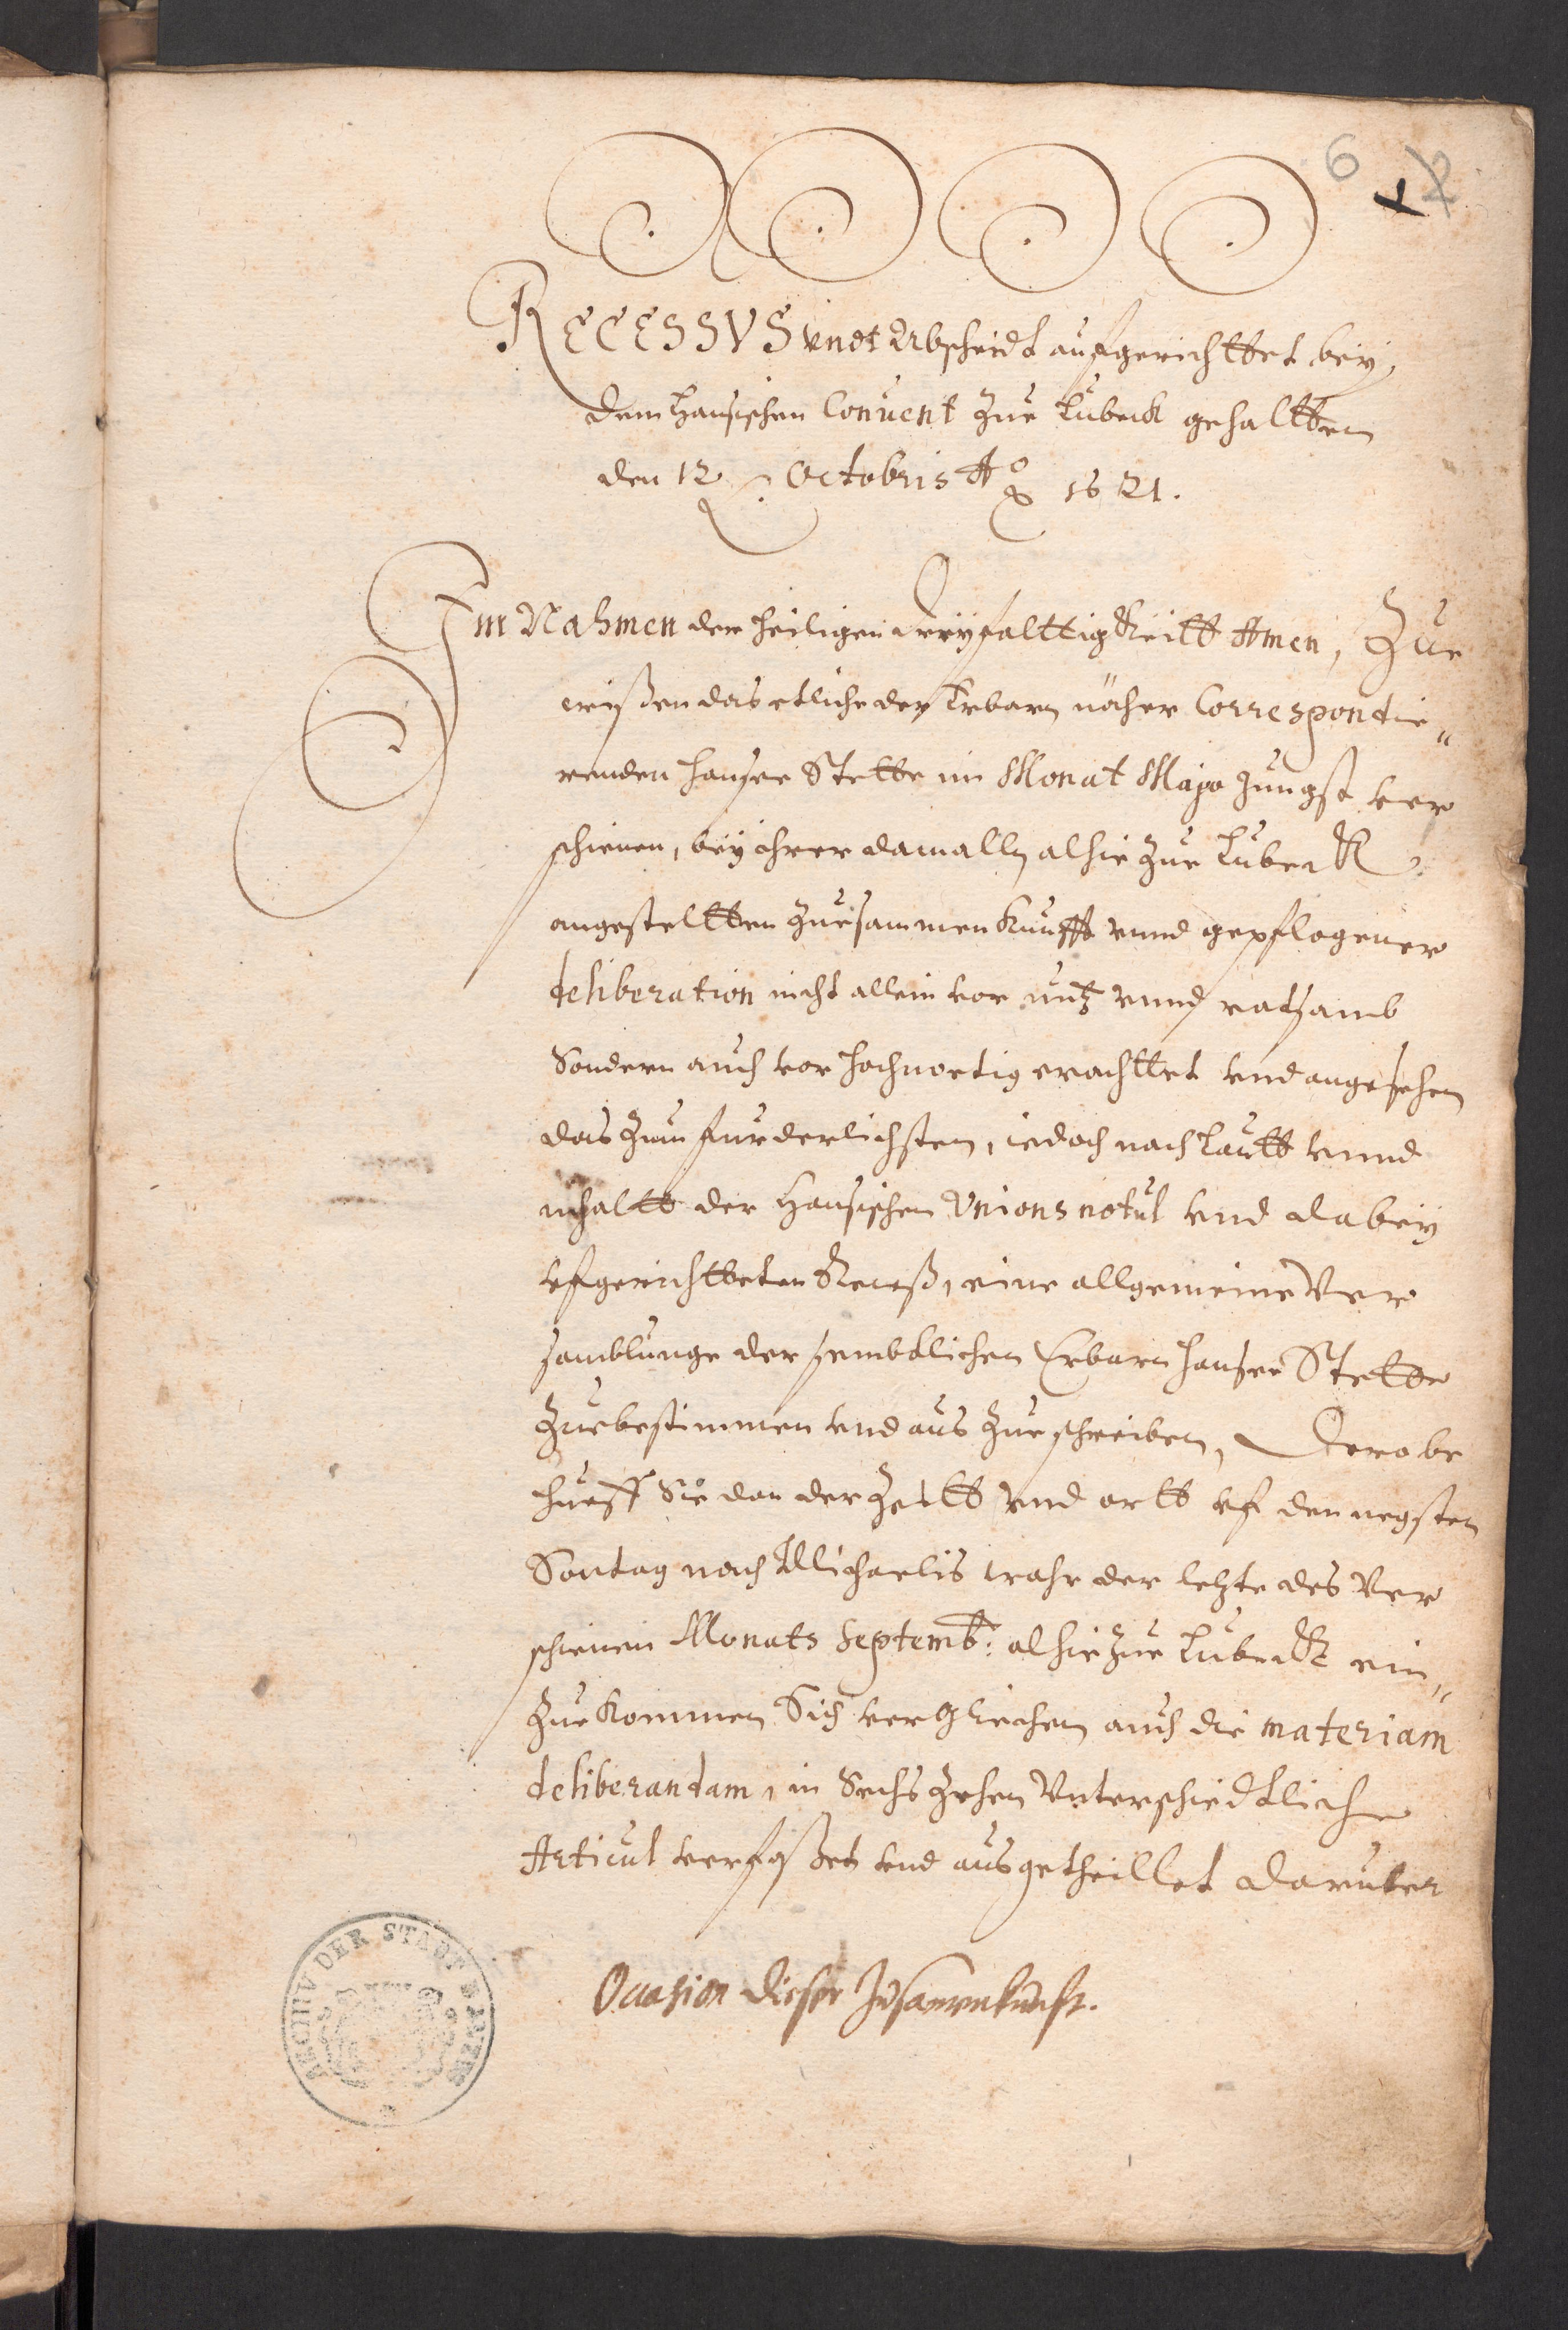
1
Recessvs vndt Abscheidt aufgerichttet bey
dem hansischen Conuent zue Lubeck gehaltten
den 12. Octobris Anno p 1621.
Jm Nahmen der heiligen dreijfalttigkeitt Amen, Zue
wißen das etliche der Erbarn näher Correspondie¬
renden hansee Stette im Monat Majo jungst ver
schienen, beij ihrer damalln alhie zue Lubeck.
angesteltten zuesammenkunfft vnnd gepflogener
deliberation nicht allein vor nutz vnnd ratsamb
Sondern auch vor hochnoetig erachttet vnd angesehen
das zum furderlichsten, iedoch nach lautt vnnd
inhaltt der Hansischen Vnions notul vnd dabeij
vfgerichtteten Receß, eine allgemeine Ver
samblunge der sembtlichen Erbarn hansee Stette
zuebestimmen vnd aus zue schreiben, Dero be
hueff Sie dan der zeitt vnd ortt vf den negsten
Sontag nach Michaelis wahr der letzte des Ver
schienen Monats Septembris alhie zue Lubeck ein¬
zuekommen Sich vergliechen auch die materiam
deliberandam in Sechszehen Vnterschiedtliche
Articul verfaßet vnd ausgetheillet daruber
Occasion dieser Zusamenkunft.
